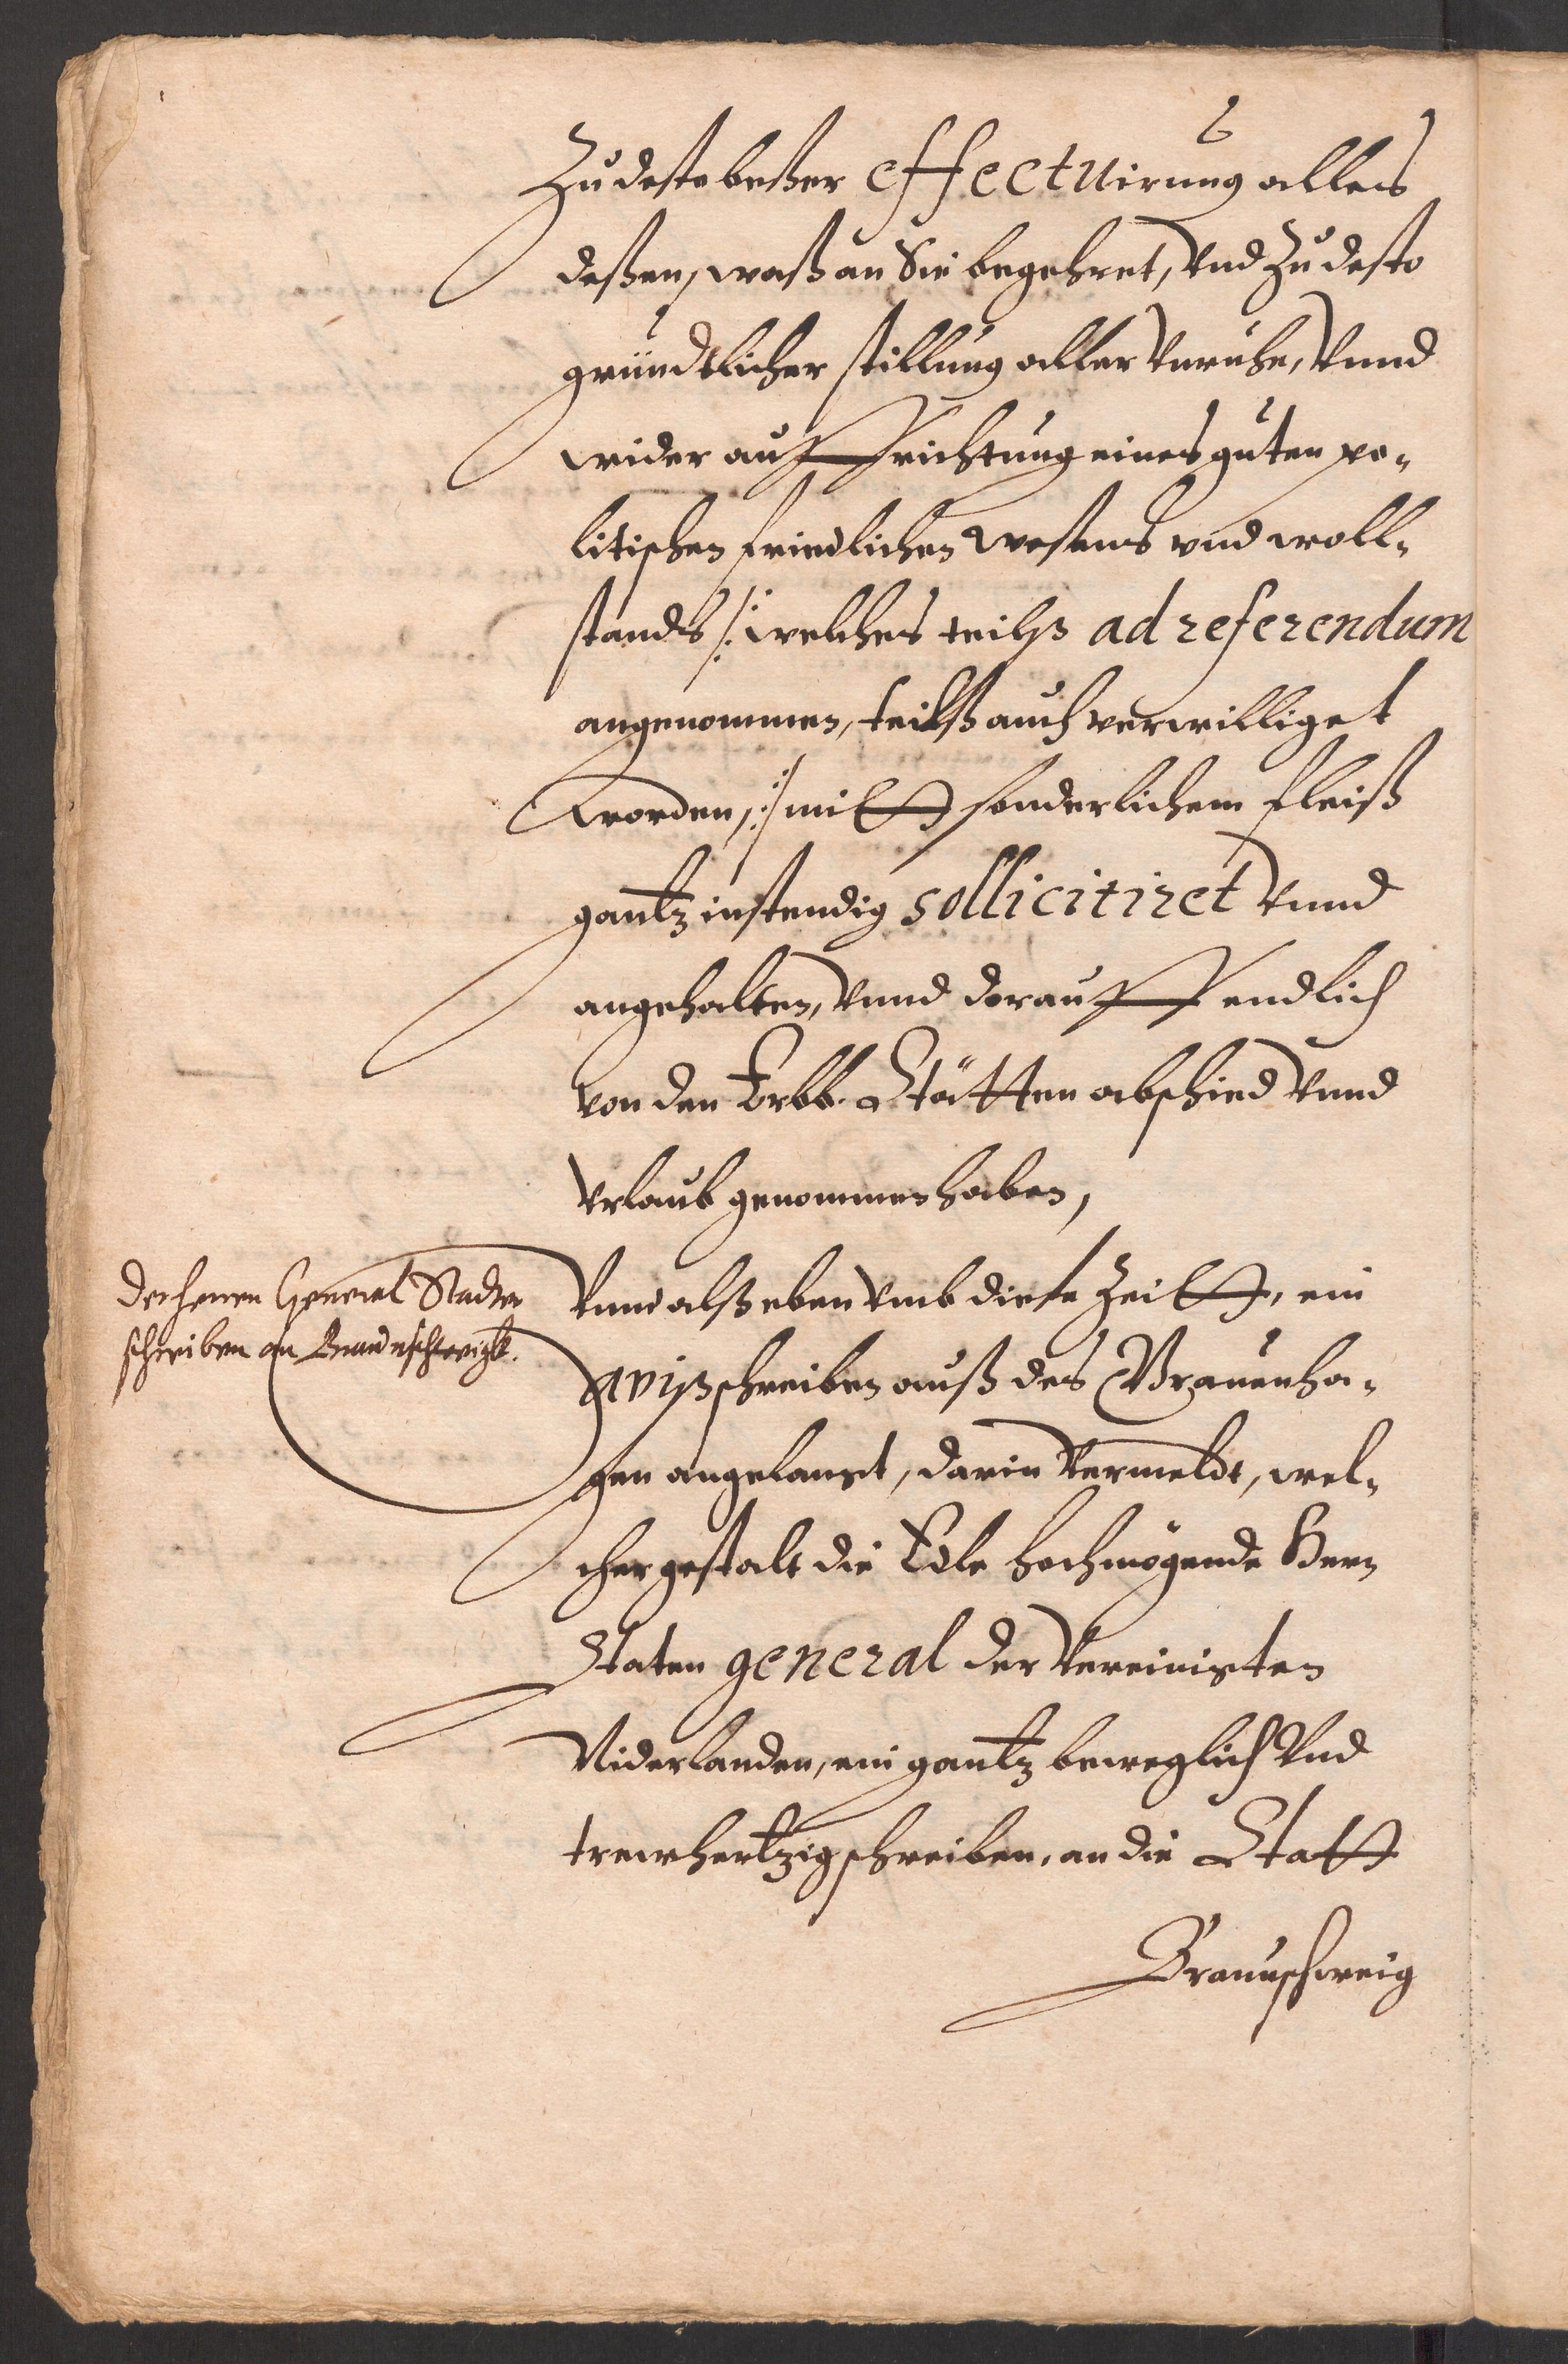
zu desto beßer effectuierung alles
deßen, waß an Sie begehret, vnd zu desto
gründtlicher stillung aller vnruhe, vnnd
wider auffrichtung eines guten po¬
litischen friedlichen wesens vnd woll¬
stands /: welches teilß ad referendum
angenommen, teilß auch verwilliget
worden :/ mitt sonderlichem fleiß
gantz instendig sollicitiret vnnd
angehalten, vnnd darauff endlich
von den Erbb. Stätten abschied vnnd
vrlaub genommen haben,
Vnnd alß eben vmb diese zeitt, ein
avißschreiben auß des Grauenha¬
gen angelangt, darin vermeldt, wel¬
cher gestalt die Edle hochmögende Hern
Staten general der vereinigten
Niderlanden, ein gantz beweglich vnd
trewhertzig schreiben, an die Statt
Braunschweig
der herren General Stadten
schreiben an Braunschweigk.
